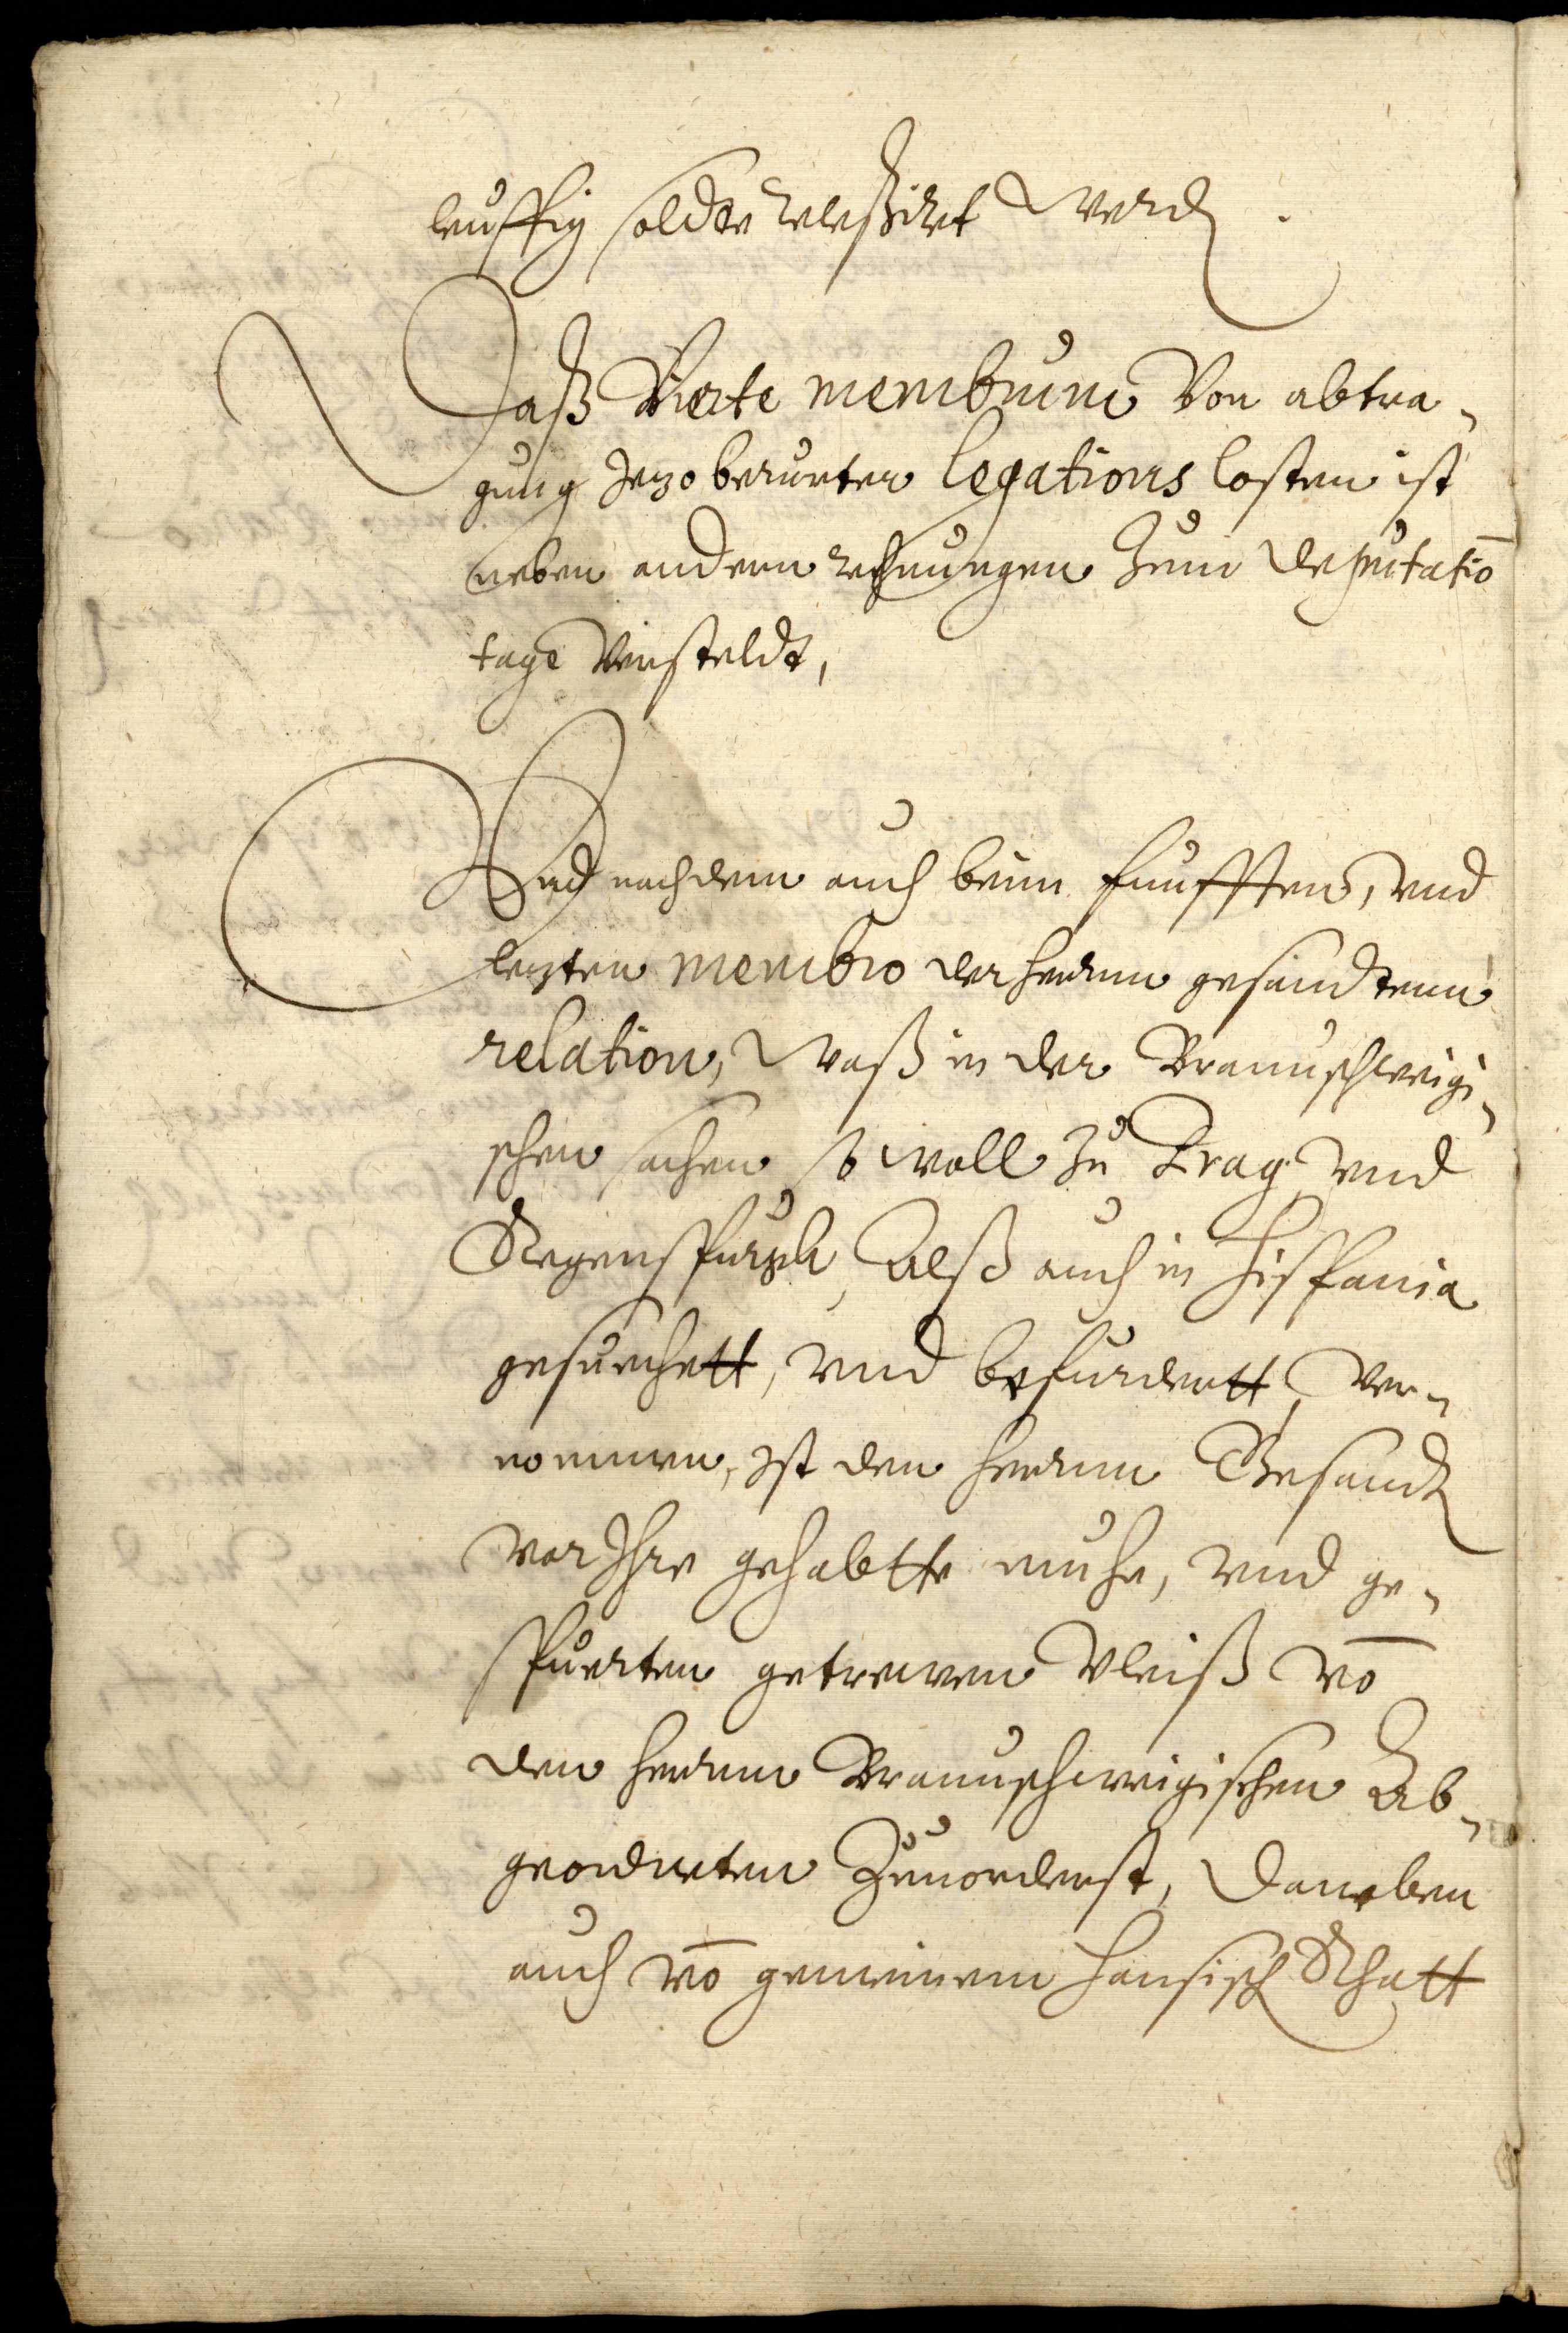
leuffig soldte reßiret werden.
Daß Virte membrum von abtra¬
gung Jetzo berurter Legations Costen ist
neben andern rechnungen Zum deputation
tage versteldt,
Vnd nachdem auch beim funfften,vnd
lezten membro der herrn gesandtenn
relation, waß in der Braunschweigi¬
schen sachen so woll zu Prag vnd
Regenspurgk, alß auch in hispania
gesuechett, vnd befurdertt,ver¬
nommen, ist den herrnn Gesandten
vor Ihre gehabtte muhe, vnd ge¬
spuerten getrewen Vleiß von
den herrnn Braunschweigischen Ab¬
geordneten Zuuorderst,daneben
auch von gemeinem hansischen Rhatt
